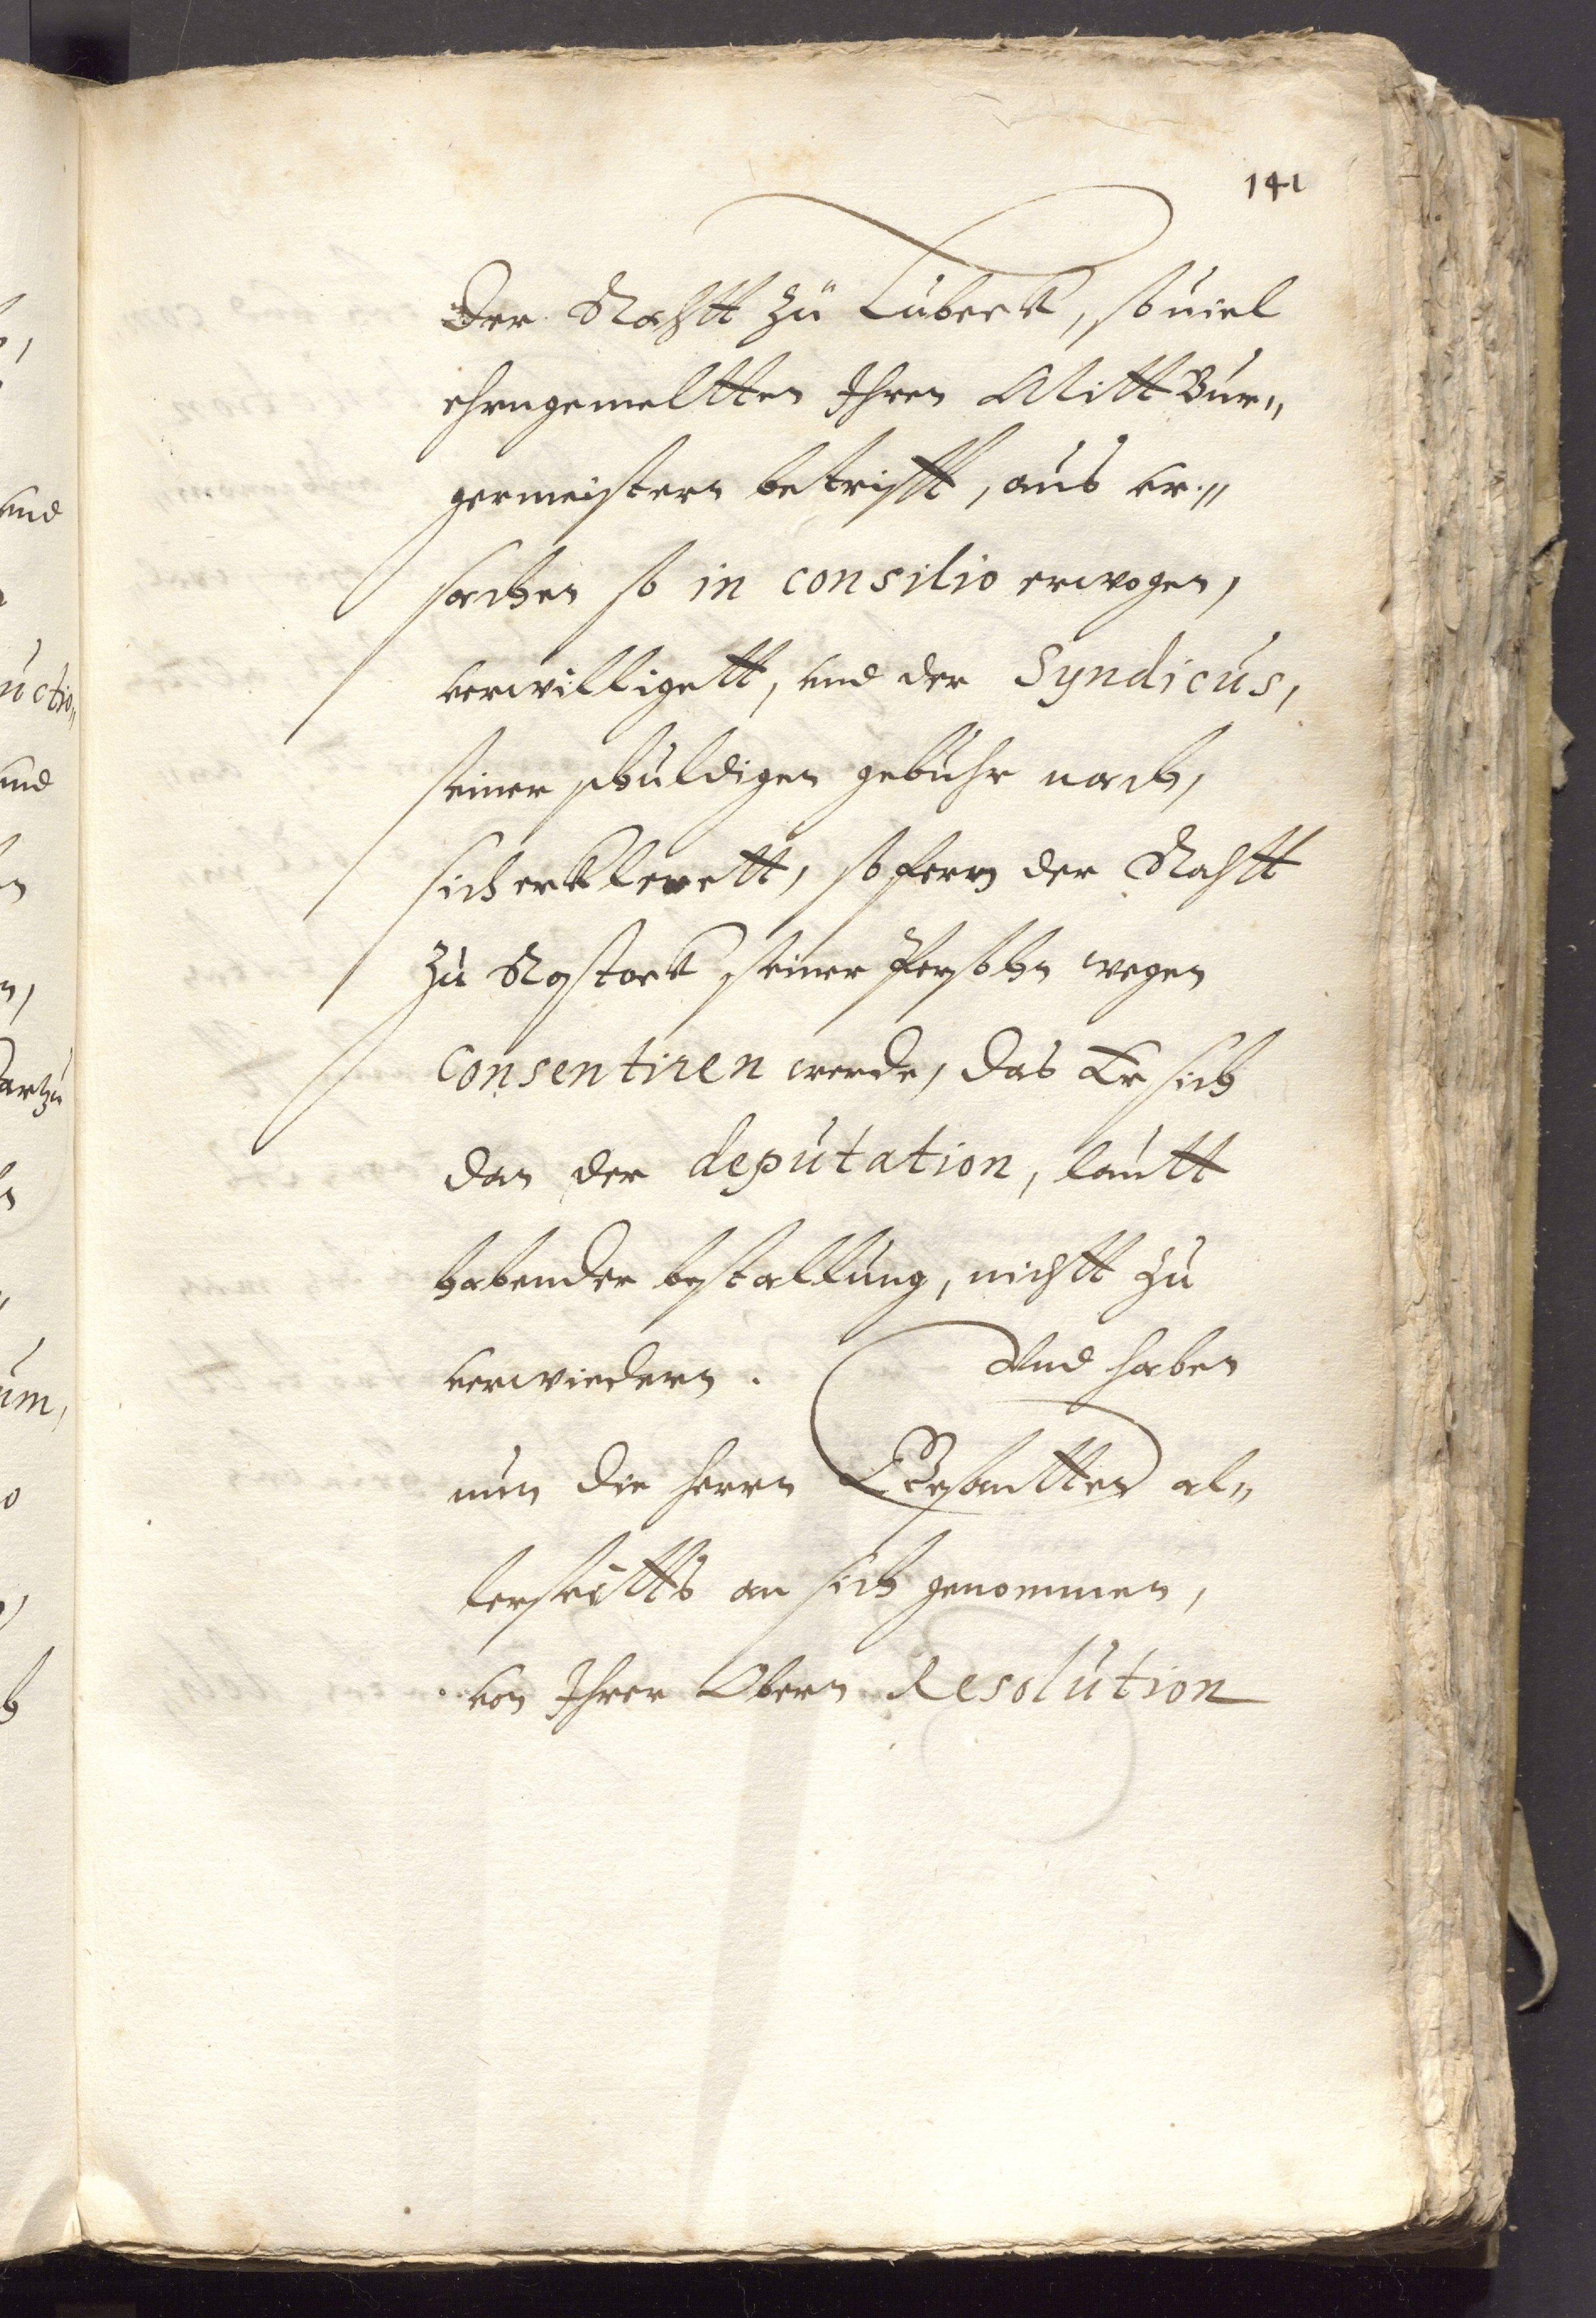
141
der Rahtt zu Lubeck, so uiel
ehrngemeltten Ihren Mitt Bur¬
germeistern betrift, aus vr¬
sachen so in consilio erwogen,
verwilligett, vnd der Syndicus,
seiner schuldigen gebuhr nach,
sich erklerett, so ferrn der Rahtt
zu Rostock seiner Persohn wegen
consentiren werde, das Er sich
dan der deputation, lautt
habender bestallung, nichtt zu
verwiedern. Vnd haben
nun die herrn Gesantten al¬
lerseitts an sich genommen,
von Ihren Obern Resolution
